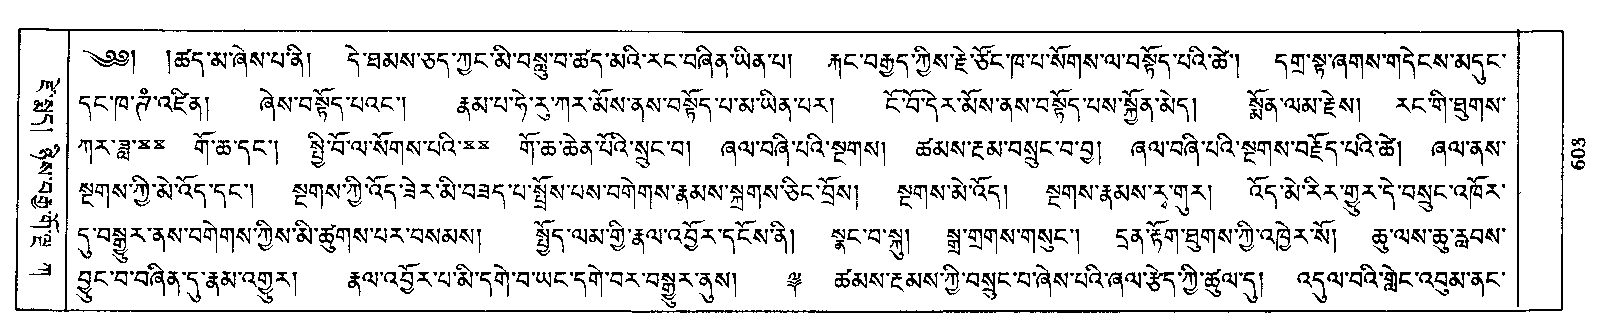༄༅། །ཚད་མ་ཞེས་པ་ནི། དེ་ཐམས་ཅད་ཀྱང་མི་བསླུ་བ་ཚད་མའི་རང་བཞིན་ཡིན་པ། རྐང་བརྒྱད་ཀྱིས་རྗེ་ཙོང་ཁ་པ་སོགས་ལ་བསྟོད་པའི་ཚེ། དགྲ་སྟ་ཞགས་གདེངས་མདུང་
དང་ཁ་ཊཾ་འཛིན། ཞེས་བསྟོད་པའང་། རྣམ་པ་ཧེ་རུ་ཀར་མོས་ནས་བསྟོད་པ་མ་ཡིན་པར། ངོ་བོ་དེར་མོས་ནས་བསྟོད་པས་སྐྱོན་མེད། སྨོན་ལམ་རྗེས། རང་གི་ཐུགས་
ཀར་ཟླ་྾་྾་གོ་ཆ་དང་། སྤྱི་བོ་ལ་སོགས་པའི་྾་྾་གོ་ཆ་ཆེན་པོའི་སྲུང་བ། ཞལ་བཞི་པའི་སྔགས། ཚམས་རྔམ་བསྲུང་བ་བྱ། ཞལ་བཞི་པའི་སྔགས་བརྗོད་པའི་ཚེ། ཞལ་ནས་
སྔགས་ཀྱི་མེ་འོད་དང་། སྔགས་ཀྱི་འོད་ཟེར་མི་བཟད་པ་སྤྲོས་པས་བགེགས་རྣམས་སྐྲགས་ཅིང་བྲོས། སྔགས་མེ་འོད། སྔགས་རྣམས་རྭ་གུར། འོད་མེ་རིར་གྱུར་དེ་བསྲུང་འཁོར་
དུ་བསྒྱུར་ནས་བགེགས་ཀྱིས་མི་ཚུགས་པར་བསམས། སྤྱོད་ལམ་གྱི་རྣལ་འབྱོར་དངོས་ནི། སྣང་བ་སྐུ། སྒྲ་གྲགས་གསུང་། དྲན་རྟོག་ཐུགས་ཀྱི་འཁྱེར་སོ། ཆུ་ལས་ཆུ་རླབས་
བྱུང་བ་བཞིན་དུ་རྣམ་འགྱུར། རྣལ་འབྱོར་པ་མི་དགེ་བ་ཡང་དགེ་བར་བསྒྱུར་ནུས། ༈ ཚམས་རྔམས་ཀྱི་བསྲུང་པ་ཞེས་པའི་ཞལ་རྩེད་ཀྱི་ཚུལ་དུ། འདུལ་བའི་གླེང་འབུམ་ནང་